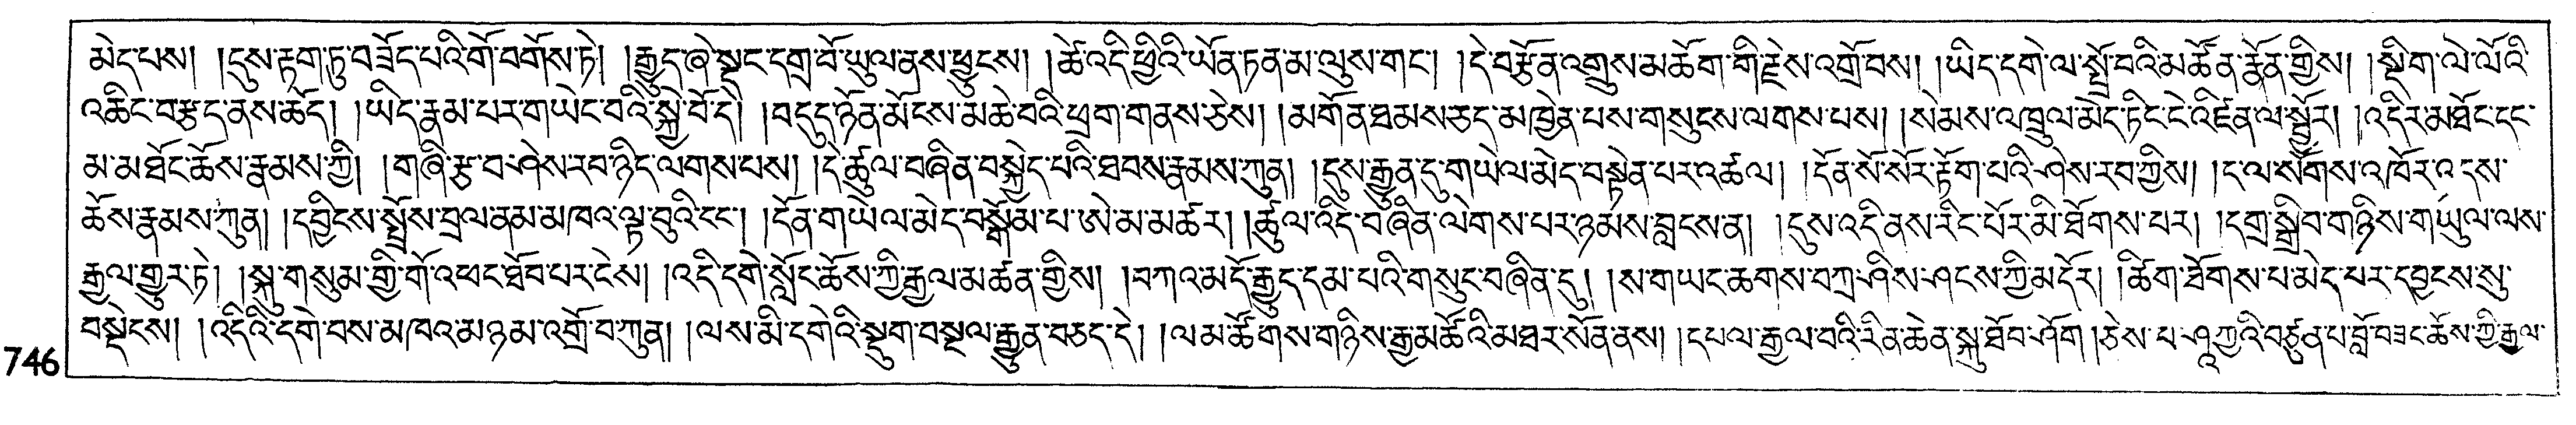མེད་པས། །དུས་རྟག་ཏུ་བཟོད་པའི་གོ་བགོས་ཏེ། །རྒྱུད་ཞེ་སྡང་དགྲ་བོ་ཡུལ་ནས་ཕྱུངས། །ཚེ་འདི་ཕྱིའི་ཡོན་ཏན་མ་ལུས་གང་། །དེ་བརྩོན་འགྲུས་མཆོག་གི་རྗེས་འགྲོ་བས། །ཡིད་དགེ་ལ་སྤྲོ་བའི་མཚོན་རྣོན་གྱིས། །སྡིག་ལེ་ལོའི་
འཆིང་བ་རྩད་ནས་ཆོད། །ཡིད་རྣམ་པར་གཡེང་བའི་སྐྱེ་བོ་དེ། །བདུད་ཉོན་མོངས་མཆེ་བའི་ཕྲག་གནས་ཅེས། །མགོན་ཐམས་ཅད་མཁྱེན་པས་གསུངས་ལགས་པས། །སེམས་འཁྲུལ་མེད་ཏིང་ངེ་འཛིན་ལ་སྦྱོར། །འདིར་མཐོང་དང་
མ་མཐོང་ཆོས་རྣམས་ཀྱི། །གཞི་རྩ་བ་ཤེས་རབ་ཉིད་ལགས་པས། །དེ་ཚུལ་བཞིན་བསྐྱེད་པའི་ཐབས་རྣམས་ཀུན། །དུས་རྒྱུན་དུ་གཡེལ་མེད་བསྟེན་པར་འཚལ། །དོན་སོ་སོར་རྟོག་པའི་ཤེས་རབ་ཀྱིས། །ང་ལ་སོགས་འཁོར་འདས་
ཆོས་རྣམས་ཀུན། །དབྱིངས་སྤྲོས་བྲལ་ནམ་མཁའ་ལྟ་བུའི་ངང་། །དོན་གཡེལ་མེད་བསྒོམ་པ་ཨེ་མ་མཚར། །ཚུལ་འདི་བཞིན་ལེགས་པར་ཉམས་བླངས་ན། །དུས་འདི་ནས་རིང་པོར་མི་ཐོགས་པར། །དགྲ་སྒྲིབ་གཉིས་གཡུལ་ལས་
རྒྱལ་གྱུར་ཏེ། །སྐུ་གསུམ་གྱི་གོ་འཕང་ཐོབ་པར་ངེས། །འདི་དགེ་སློང་ཆོས་ཀྱི་རྒྱལ་མཚན་གྱིས། །བཀའ་མདོ་རྒྱུད་དམ་པའི་གསུང་བཞིན་དུ། །ས་གཡང་ཆགས་བཀྲ་ཤིས་ཤངས་ཀྱི་མདོར། །ཚིག་ཐོགས་པ་མེད་པར་དབྱངས་སུ་
བསྡེངས། །འདིའི་དགེ་བས་མཁའ་མཉམ་འགྲོ་བ་ཀུན། །ལས་མི་དགེའི་སྡུག་བསྔལ་རྒྱུན་བཅད་དེ། །ལམ་ཚོགས་གཉིས་རྒྱ་མཚོའི་མཐར་སོན་ནས། །དཔལ་རྒྱལ་བའི་རིན་ཆེན་སྐུ་ཐོབ་ཤོག །ཅེས་པ་ཤཱཀྱའི་བཙུན་པ་བློ་བཟང་ཆོས་ཀྱི་རྒྱལ་